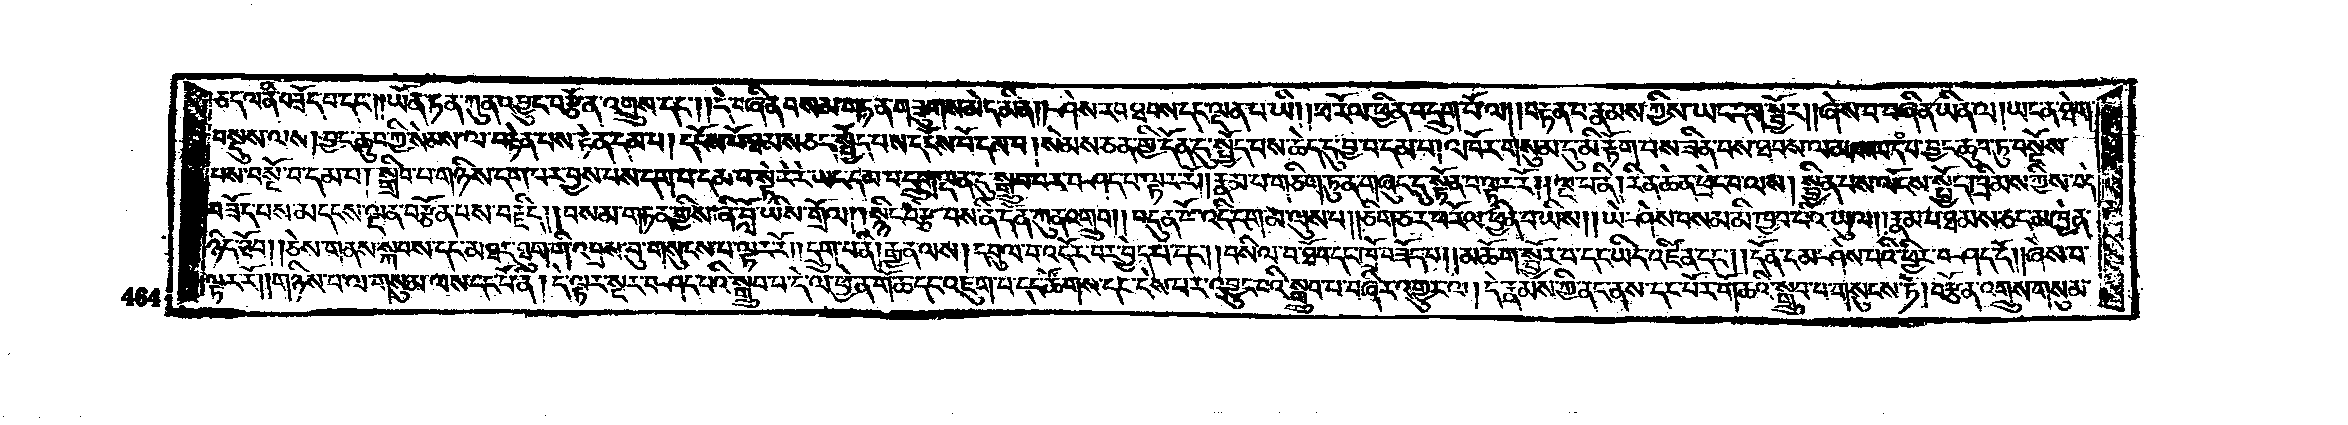ཅད་ལ་ནི་བཟོད་པ་དང་། །ཡོན་ཏན་ཀུན་འབྱུང་བརྩོན་འགྲུས་དང་། །དེ་བཞིན་བསམ་གཏན་གཟུགས་མེད་མིན། །ཤེས་རབ་ཐབས་དང་ལྡན་པ་ཡི། །ཕ་རོལ་ཕྱིན་པ་དྲུག་པོ་ལ། །བརྟན་པ་རྣམས་ཀྱིས་ཡང་དག་སྦྱོར། །ཞེས་པ་བཞིན་ཡིན་ལ། ཡང་ན་ཐེག་
བསྡུས་ལས། བྱང་ཆུབ་ཀྱི་སེམས་ལ་བརྟེན་པས་རྟེན་དམ་པ། དངོས་པོ་ཐམས་ཅད་སྤྱོད་པས་དངོས་པོ་དམ་པ། སེམས་ཅན་གྱི་དོན་དུ་སྤྱོད་པས་ཆེད་དུ་བྱ་བ་དམ་པ། འཁོར་གསུམ་དུ་མི་རྟོག་པས་ཟིན་པས་ཐབས་ལ་མཁས་པ་དམ་པ་བྱང་ཆུབ་ཏུ་བསྔོས་
པས་བསྔོ་བ་དམ་པ། སྒྲིབ་པ་གཉིས་དག་པར་བྱས་པས་དག་པ་དམ་པ་སྟེ་རེ་རེ་ཡང་དམ་པ་དྲུག་ལྡན་དུ་སྒྲུབ་པར་བཤད་པ་ལྟར་རོ། །རྣམ་པ་གཅིག་ཏུ་ན་གཞུང་དུ་སྟོན་པ་ལྟར་རོ། །ལྔ་པ་ནི། རིན་ཆེན་ཕྲེང་བ་ལས། སྦྱིན་པས་ལོངས་སྤྱོད་ཁྲིམས་ཀྱིས་བདེ་
བཟོད་པས་མདངས་ལྡན་བརྩོན་པས་བརྗིད། །བསམ་གཏན་གྱིས་ཞི་བློ་ཡིས་གྲོལ། །སྙིང་བརྩེ་བས་ནི་དོན་ཀུན་འགྲུབ། །བདུན་པོ་འདི་དག་མ་ལུས་པ། །ཅིག་ཅར་ཕ་རོལ་ཕྱིན་པ་ཡིས། །ཡེ་ཤེས་བསམ་མི་ཁྱབ་པའི་ཡུལ། །རྣམ་པ་ཐམས་ཅད་མཁྱེན་
ཉིད་ཐོབ། །ཅེས་གནས་སྐབས་དང་མཐར་ཐུག་གི་འབྲས་བུ་གསུངས་པ་ལྟར་རོ། །དྲུག་པ་ནི། རྒྱན་ལས། དབུལ་བ་འདོར་བར་བྱེད་པ་དང་། །བསིལ་བ་ཐོབ་དང་ཁྲོ་བཟོད་པ། །མཆོག་སྦྱོར་བ་དང་ཡིད་འཛིན་དང་། །དོན་དམ་ཤེས་པའི་ཕྱིར་བཤད་དོ། །ཞེས་པ་
ལྟར་རོ། །གཉིས་པ་ལ་གསུམ་ལས་དང་པོ་ནི། དེ་ལྟར་སྔར་བཤད་པའི་སྒྲུབ་པ་དེ་ལ་ཕྱེ་ན་གོ་ཆ་དང་འཇུག་པ་དང་ཚོགས་དང་ངེས་པར་འབྱུང་བའི་སྒྲུབ་པ་བཞིར་འགྱུར་ལ། དེ་རྣམས་ཀྱི་ནང་ནས་དང་པོར་གོ་ཆའི་སྒྲུབ་པ་གསུངས་ཏེ། བརྩོན་འགྲུས་གསུམ་